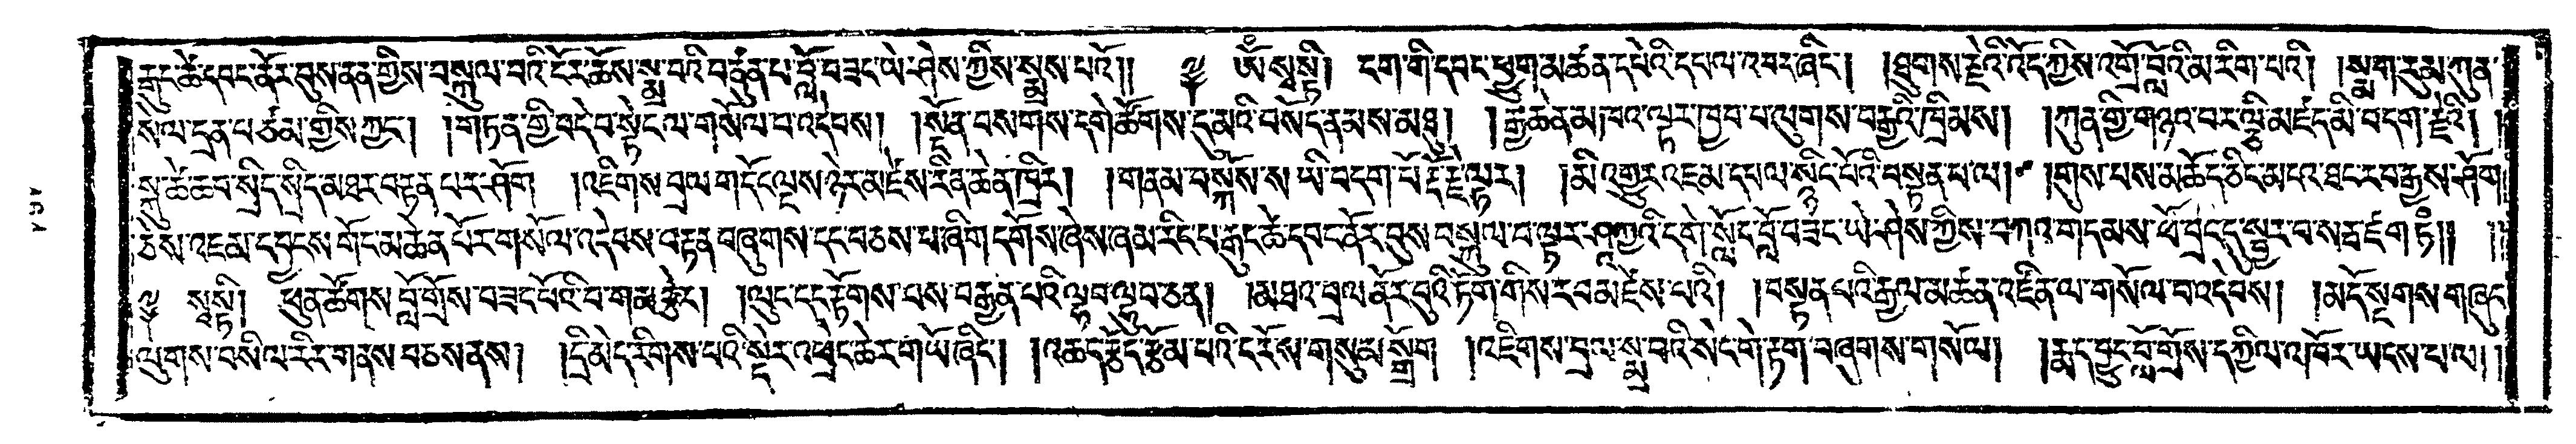རྒུང་ཚེ་དབང་ནོར་བུས་ནན་གྱིས་བསྐུལ་བའི་ངོར་ཆོས་སྨྲ་བའི་བཙུན་པ་བློ་བཟང་ཡེ་ཤེས་ཀྱིས་སྨྲས་པའོ།། ༈ ཨོཾ་སྭ་སྟི། ངག་གི་དབང་ཕྱུག་མཚན་དཔེའི་དཔལ་འབར་ཞིང་། །ཐུགས་རྗེའི་འོད་ཀྱིས་འགྲོ་བློའི་མ་རིག་པའི། །སྨག་རུམ་ཀུན་
སེལ་དྲན་པ་ཙམ་གྱིས་ཀྱང་། །གཏན་གྱི་བདེ་བ་སྟེང་ལ་གསོལ་བ་འདེབས། །སྔོན་བསགས་དགེ་ཚོགས་དུ་མའི་བསོད་ནམས་མཐུ། །རྒྱ་ཆེན་མཁའ་ལྟར་ཁྱབ་པ་ལུགས་བརྒྱའི་ཁྲིམས། །ཀུན་གྱི་གཉའ་བར་ལྕི་མཛད་མི་བདག་རྗེའི། །
སྐུ་ཚེ་ཆབ་སྲིད་སྲིད་མཐར་བརྟན་པར་ཤོག །འཇིགས་བྲལ་གདོང་ལྔས་ཉེར་མཛེས་རིན་ཆེན་ཁྲིར། །གནམ་བསྐོས་ས་ཡི་བདག་པོ་རྡོ་རྗེ་ལྟར། །མི་འགྱུར་འཇམ་དཔལ་སྙིང་པོའི་བསྟན་པ་ལ། །གུས་པས་མཆོད་ཅིང་མངའ་ཐང་རབ་རྒྱས་ཤོག།
ཅེས་འཇམ་དབྱངས་གོང་མ་ཆེན་པོར་གསོལ་འདེབས་བརྟན་བཞུགས་དང་བཅས་པ་ཞིག་དགོས་ཞེས་ཞམ་རིང་པ་རྒུང་ཚེ་དབང་ནོར་བུས་བསྐུལ་བ་ལྟར་ཤའྐྱའི་དགེ་སློང་བློ་བཟང་ཡེ་ཤེས་ཀྱིས་བཀའ་གདམས་ཕོ་བྲང་དུ་སྦྱར་བ་སྲྦ་ཛ་གཏཾ།། །།
༈ སྭྶྟི། ཕུན་ཚོགས་བློ་གྲོས་བཟང་པོའི་བི་གམ་རྩེར། །ལུང་དང་རྟོགས་པས་བརྒྱན་པའི་ལྷབ་ལྷུབ་ཅན། །མཐའ་བྲལ་ནོར་བུའི་ཏོག་གིས་རབ་མཛེས་པའི། །བསྟན་པའི་རྒྱལ་མཚན་འཛིན་ལ་གསོལ་བ་འདེབས། །མདོ་སྔགས་གཞུང་
ལུགས་བསིལ་རིར་གནས་བཅས་ནས། །དྲི་མེད་རིགས་པའི་སྡེར་འཕྲེང་ཆེར་གཡོ་ཞིང་། །འཆད་རྩོད་རྩོམ་པའི་ངོར་ས་གསུམ་སྒྲོག ། འཇིག་བྲལ་སྨྲ་བའི་སེང་གེ་རྟག་བཞུགས་གསོལ། །རྨད་བྱུང་བློ་གྲོས་དཀྱིལ་འཁོར་ཡངས་པ་ལ།།